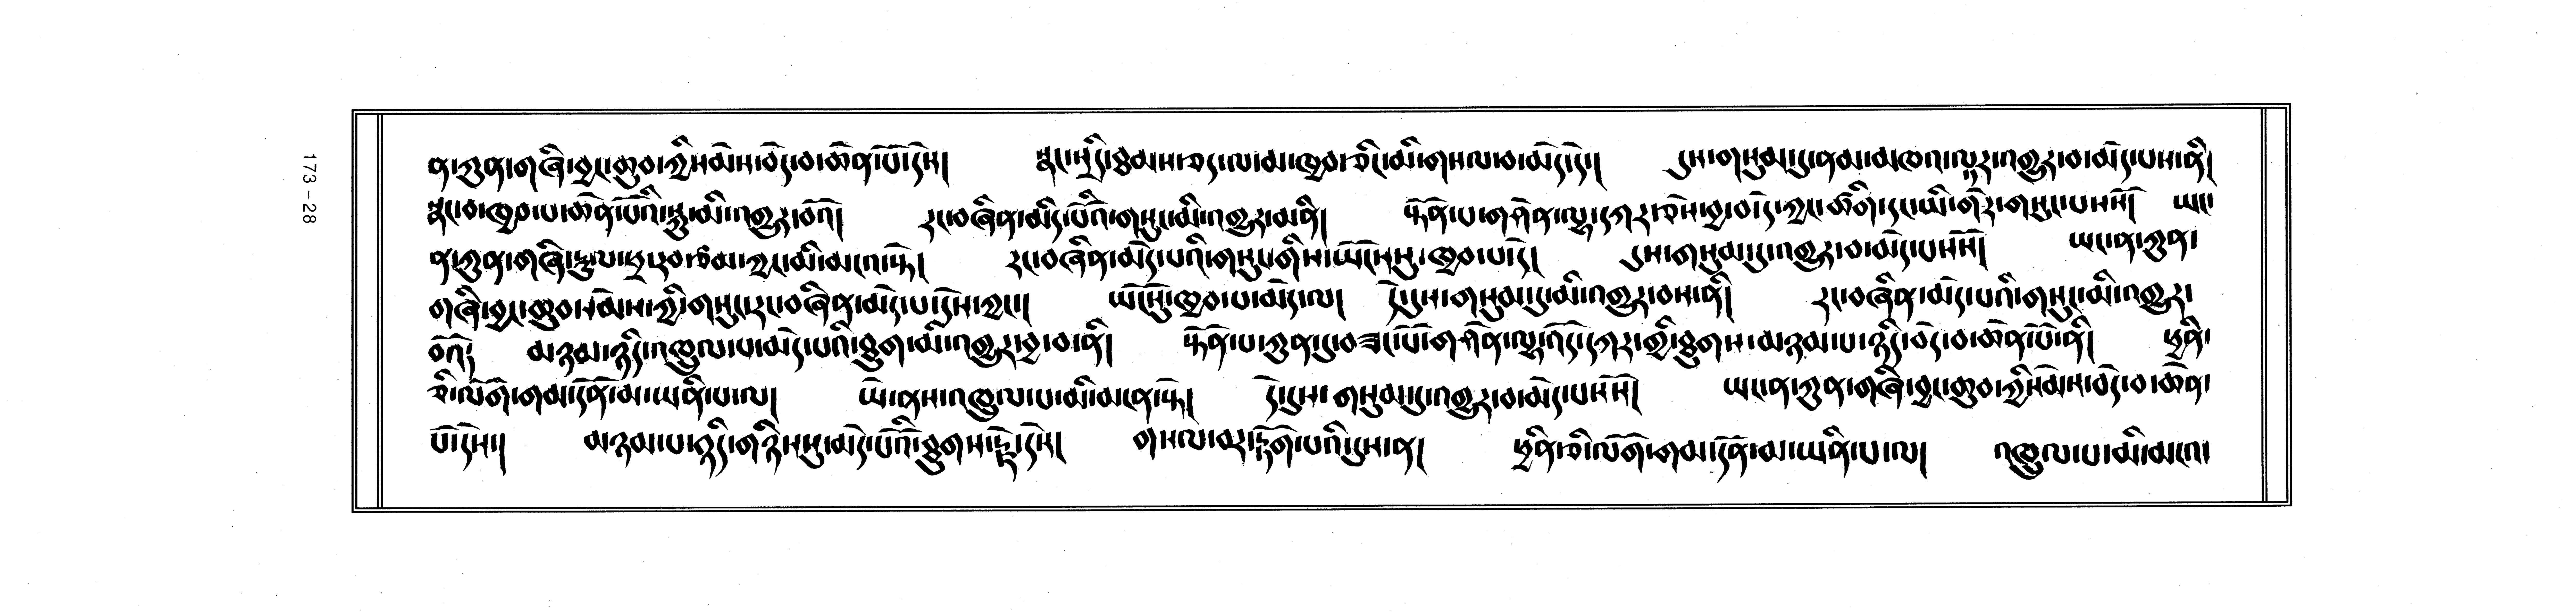ན་ཀུན་གཞི་བྱང་ཆུབ་ཀྱི་སེམས་བདེ་བ་ཆེན་པོ་དེས། སྣང་སྲིད་ཐམས་ཅད་ལ་མ་ཁྱབ་ཅིང་མི་གསལ་བ་མེད་དེ། དུས་གསུམ་དུ་ནམ་མཁའ་ལྟར་འགྱུར་བ་མེད་པས་ནི།
སྣང་བ་ཁྱབ་པ་ཆེན་པོའི་སྐུ་མི་འགྱུར་བའོ། རང་བཞིན་མེད་པའི་གསུང་མི་འགྱུར་བ་ནི། སྟོན་པ་གཤེན་ལྷ་འོད་དཀར་ཞེས་བྱ་བ་དེས་ཚིག་དང་ཡི་གེར་གསུངས་པས་སོ། །ཡང་
ན་ཀུན་གཞི་ཕྲ་རབ་ཙམ་ཀྱང་མི་མངའ་སྟེ། རང་བཞིན་མེད་པའི་གསུང་གིས་ཡོངས་སུ་ཁྱབ་པ་དེ། དུས་གསུམ་དུ་འགྱུར་བ་མེད་པས་སོ། །ཡང་ན་ཀུན་
གཞི་བྱང་ཆུབ་སེམས་ཀྱི་གསུང་རང་བཞིན་མེད་པ་དེས་ཀྱང་། ཡོངས་སུ་ཁྱབ་པ་མེད་ལ། དེ་དུས་གསུམ་དུ་མི་འགྱུར་བས་ནི། རང་བཞིན་མེད་པའི་གསུང་མི་འགྱུར་
བའོ། །མཉམ་ཉིད་འཁྲུལ་པ་མེད་པའི་ཐུགས་མི་འགྱུར་བྱ་བ་ནི། སྟོན་པ་ཀུན་ཏུ་བཟང་པོ་གཤེན་ལྷ་འོད་དཀར་གྱི་ཐུགས་མཉམ་པ་ཉིད་བདེ་བ་ཆེན་པོ་ནི། ཕྱིན་
ཅི་ལོག་གབ་དོན་མ་ཡིན་པ་ལ། ཡེ་ནས་འཁྲུལ་པ་མི་མངའ་སྟེ། དེ་དུས་གསུམ་དུ་འགྱུར་བ་མེད་པས་སོ། ཡང་ན་ཀུན་གཞི་བྱང་ཆུབ་ཀྱི་སེམས་བདེ་བ་ཆེན་
པོ་དེས། མཉམ་པ་ཉིད་གཉིས་སུ་མེད་པའི་ཐུགས་རྗེ་དེས། གསལ་བར་རྟོག་པའི་དུས་ན། ཕྱིན་ཅི་ལོག་གབ་དོན་མ་ཡིན་པ་ལ། འཁྲུལ་པ་མི་མངའ་